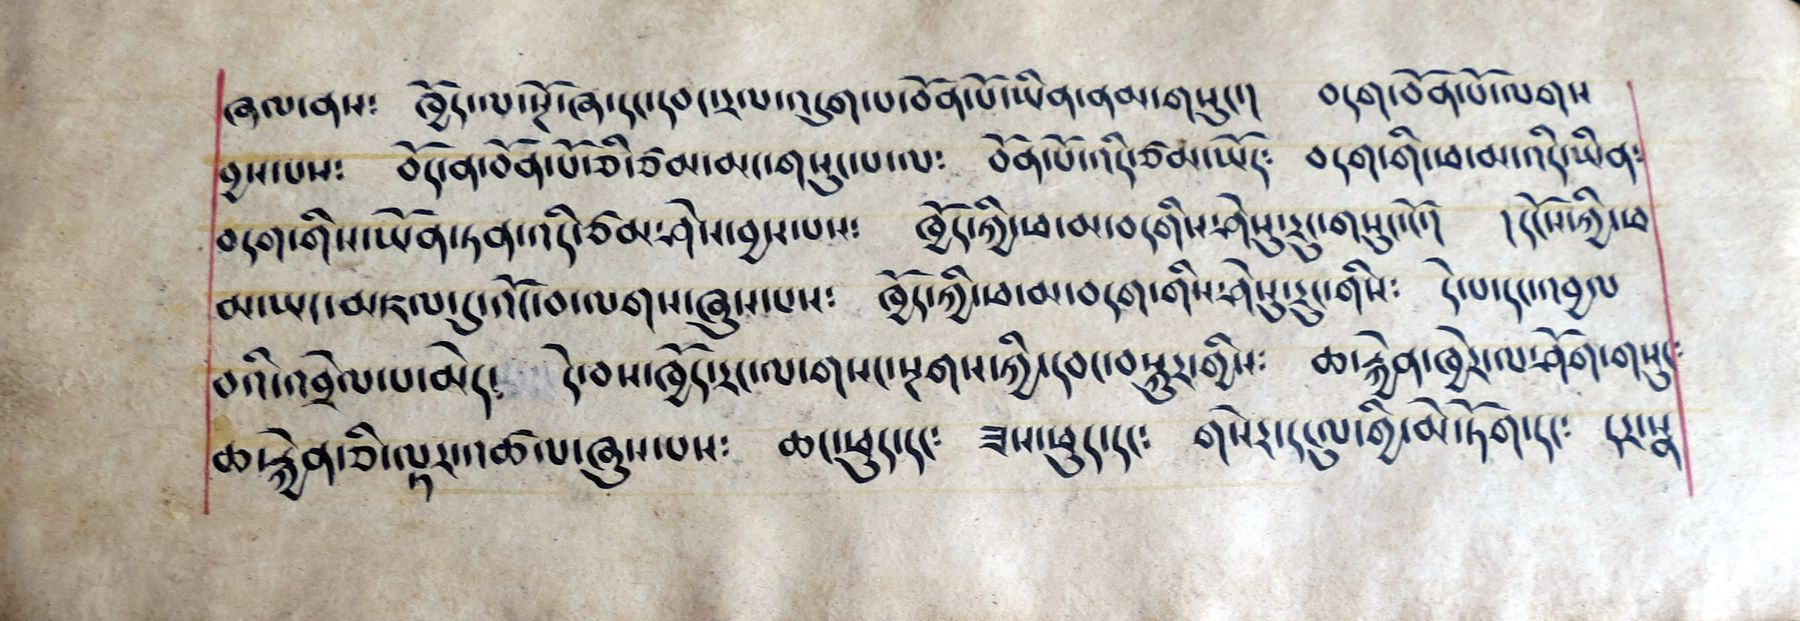ཞལ་ནས། ཁྱོད་ལ་སྔོ་ཞྭ་དང་དབང་རལ་འདུག་པས་བོན་པོ་ཡིན་ནམ་གསུངས། བདག་བོན་པོ་ལགས་
བྱས་པས། བོད་ན་བོན་པོ་ཅི་ཙམ་མང་གསུངས་པས། བོན་པོ་འདི་ཙམ་ཡོད། བདག་གི་ཕ་མ་འདི་འདྲ་ཡིན། 
བདག་གིས་ཡོན་ཏན་འདི་ཙམ་ཤེས་བྱས་པས། ཁྱེད་ཀྱི་ཕ་མ་བདག་གིས་ཤེས་སུ་རུང་གསུངས་སོ། །དངོས་ཀྱི་ཕ་
མའང་མཇལ་དུ་འོང་བ་ལགས་ཞུས་པས། ཁྱོད་ཀྱི་ཕ་མ་བདག་གིས་ཤེས་སུ་རུང་གི། དེ་ལ་དང་འབྱལ་
བའི་འབྲེལ་བ་མེད། དེ་བས་ཁྱོད་རང་ལ་གསང་སྔགས་ཀྱི་དབང་བསྐུར་གྱི། ཆ་རྐྱེན་ཁྱེར་ལ་ཤོག་གསུངས། 
ཆ་རྐྱེན་ཅི་ལྟར་འཚལ་ཞུས་པས། ཆང་ཕུད་དང་། ཟས་ཕུད་དང་། གསེར་དངུལ་གྱི་མེ་ཏོག་དང་། དར་སྣ་